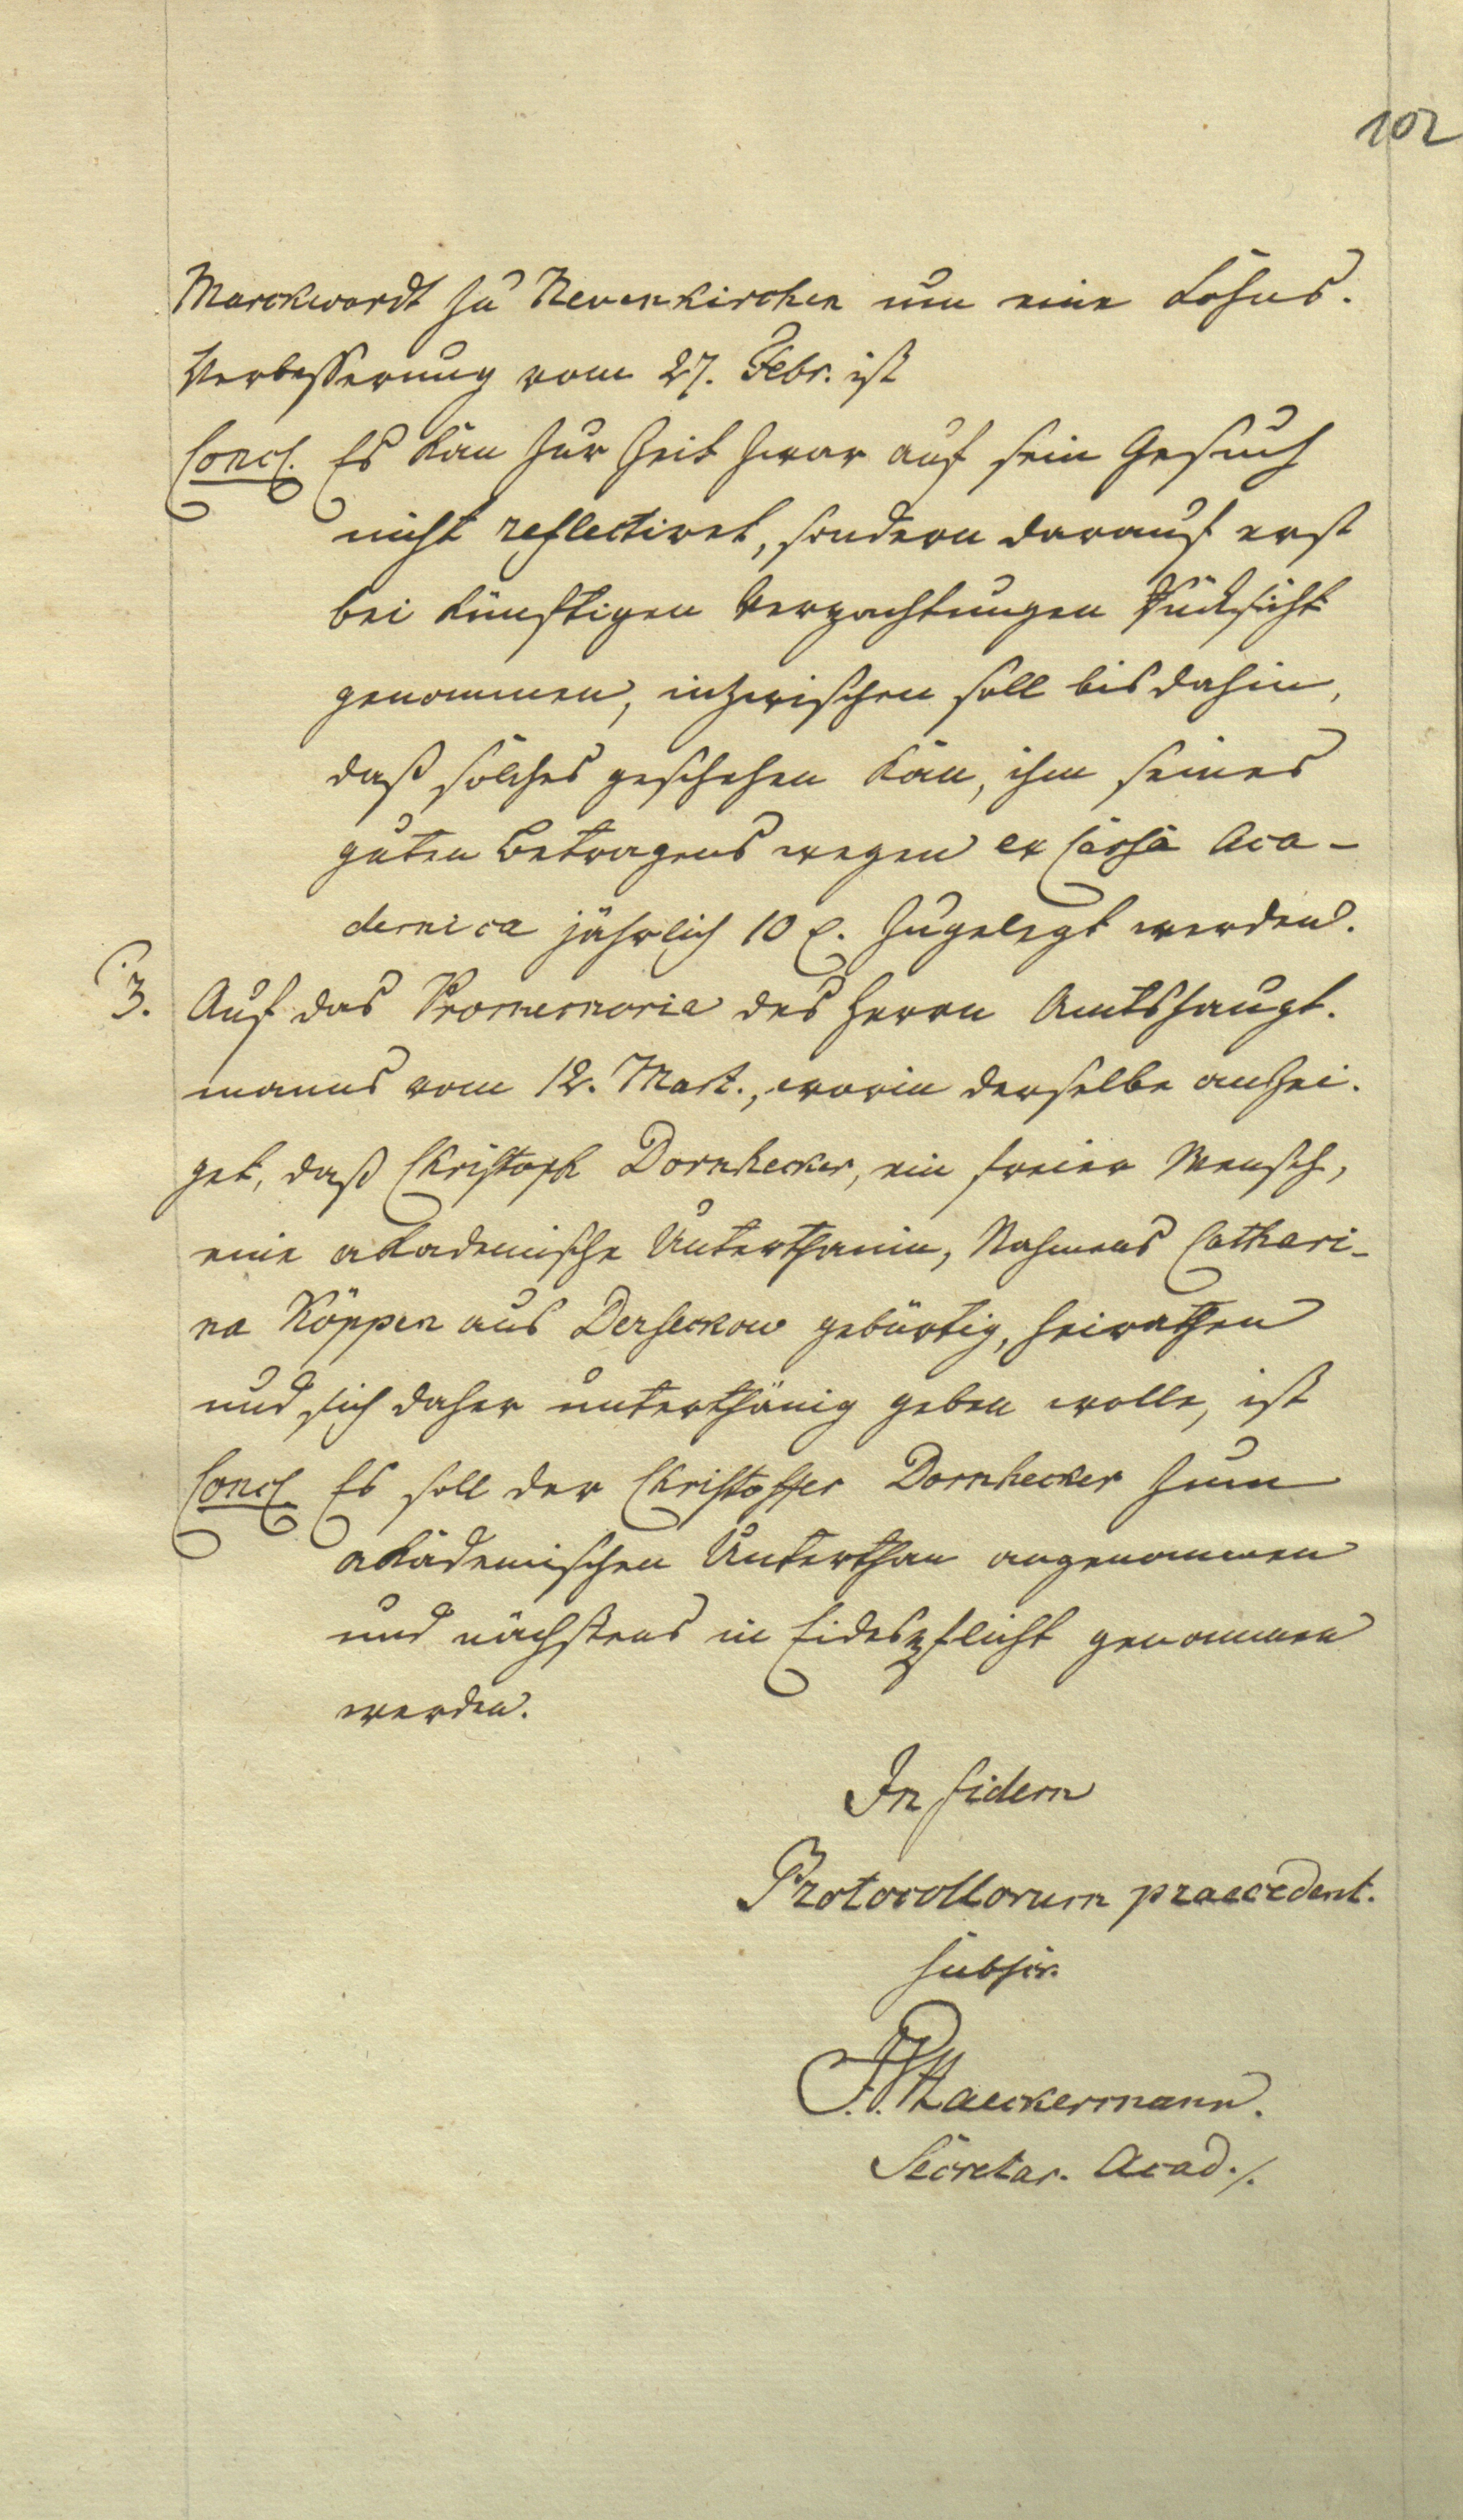Marckwardt zu Neuenkirchen um eine Lohns¬
Verbesserung vom 27. Febr. ist
Concl. Es kan zur Zeit zwar auf sein Gesuch
nicht reflectiret, sondern darauf erst
bei künftigen Verpachtungen Rücksicht
genommen, inzwischen soll bis dahin,
daß solches geschehen kan, ihm seines
guten Betragens wegen ex Cassa Aca¬
demica jährlich 10 l. zugelegt werden.
3. Auf das Promemoria des Herrn Amtshaupt¬
manns vom 12. Mart., worin derselbe anzei¬
get, daß Christoph Dornhecker, ein freier Mensch,
eine akademische Unterthanin, Nahmens Cathari¬
na Köppen aus Derseckow gebürtig, heirathen
und sich daher unterthänig geben wolle, ist
Concl. Es soll der Christoffer Dornhecker zum
akademischen Unterthan angenommen
und nächstens in Eidespflicht genommen
werden.
In fidem
Protocollorum praecedent.
subscr.
JG Haeckermann
Secretar. Acad.